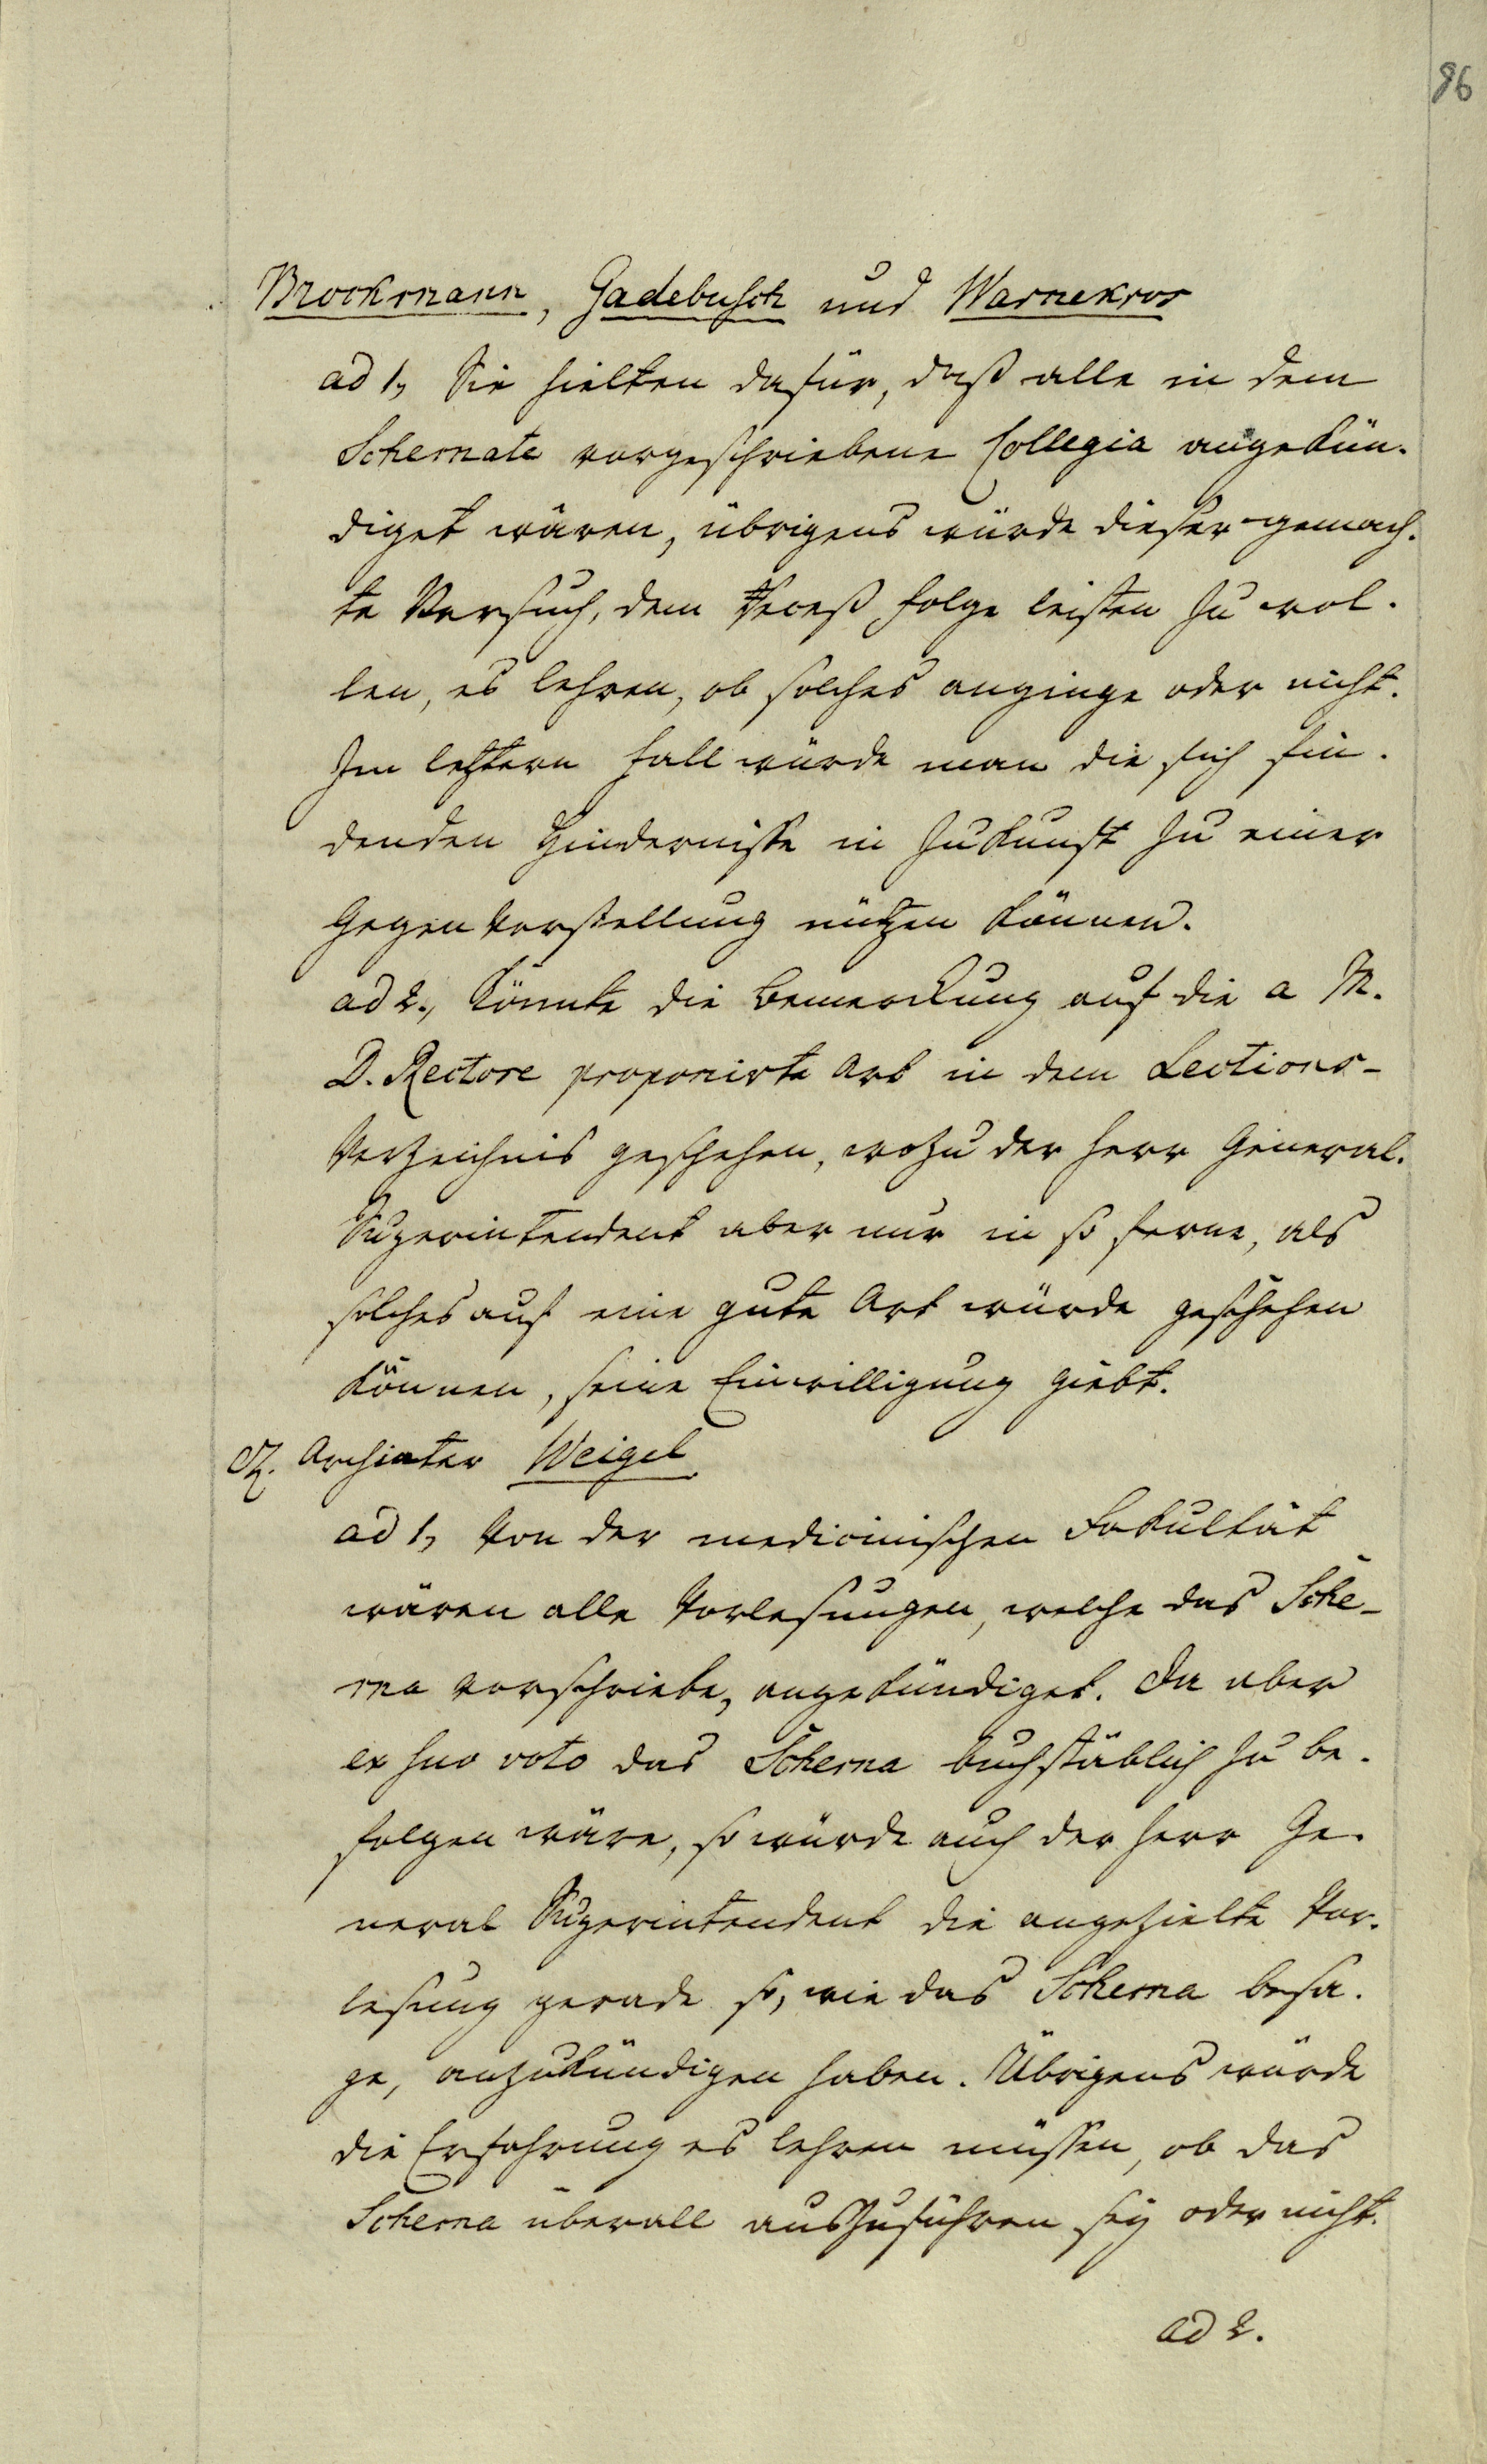Brockmann, Gadebusch und Warnekros
ad 1., Sie hielten dafür, daß alle in dem
Schemate vorgeschriebene Collegia angekün¬
diget wären, übrigens würde dieser gemach¬
te Versuch, dem Receß Folge leisten zu wol-
len, es lehren, ob solches anginge oder nicht.
Im letztern Fall würde man die sich fin¬
denden Hindernisse in Zukunft zu einer
Gegen Vorstellung nützen können.
ad 2. Könnte die Bemerckung auf die a M.
D. Rectore proponirte Art in dem Lections¬
Verzeichnis geschehen, wozu der Herr General¬
Superintendent aber nur in so ferne, als
solches auf eine gute Art würde geschehen
können, seine Einwilligung giebt.
dh. Archiater Weigel
ad 1., Von der medicinischen Fakultät
wären alle Vorlesungen, welche das Sche¬
ma vorschriebe, angekündiget. Da aber
ex suo voto das Schema buchstäblich zu be¬
folgen wäre, so würde auch der Herr Ge¬
neral Superintendent die angezielte Vor¬
lesung gerade so, wie das Schema besa¬
ge, anzukündigen haben. Übrigens würde
die Erfahrung es lehren müssen, ob das
Schema überall auszuführen seÿ oder nicht.
ad 2.